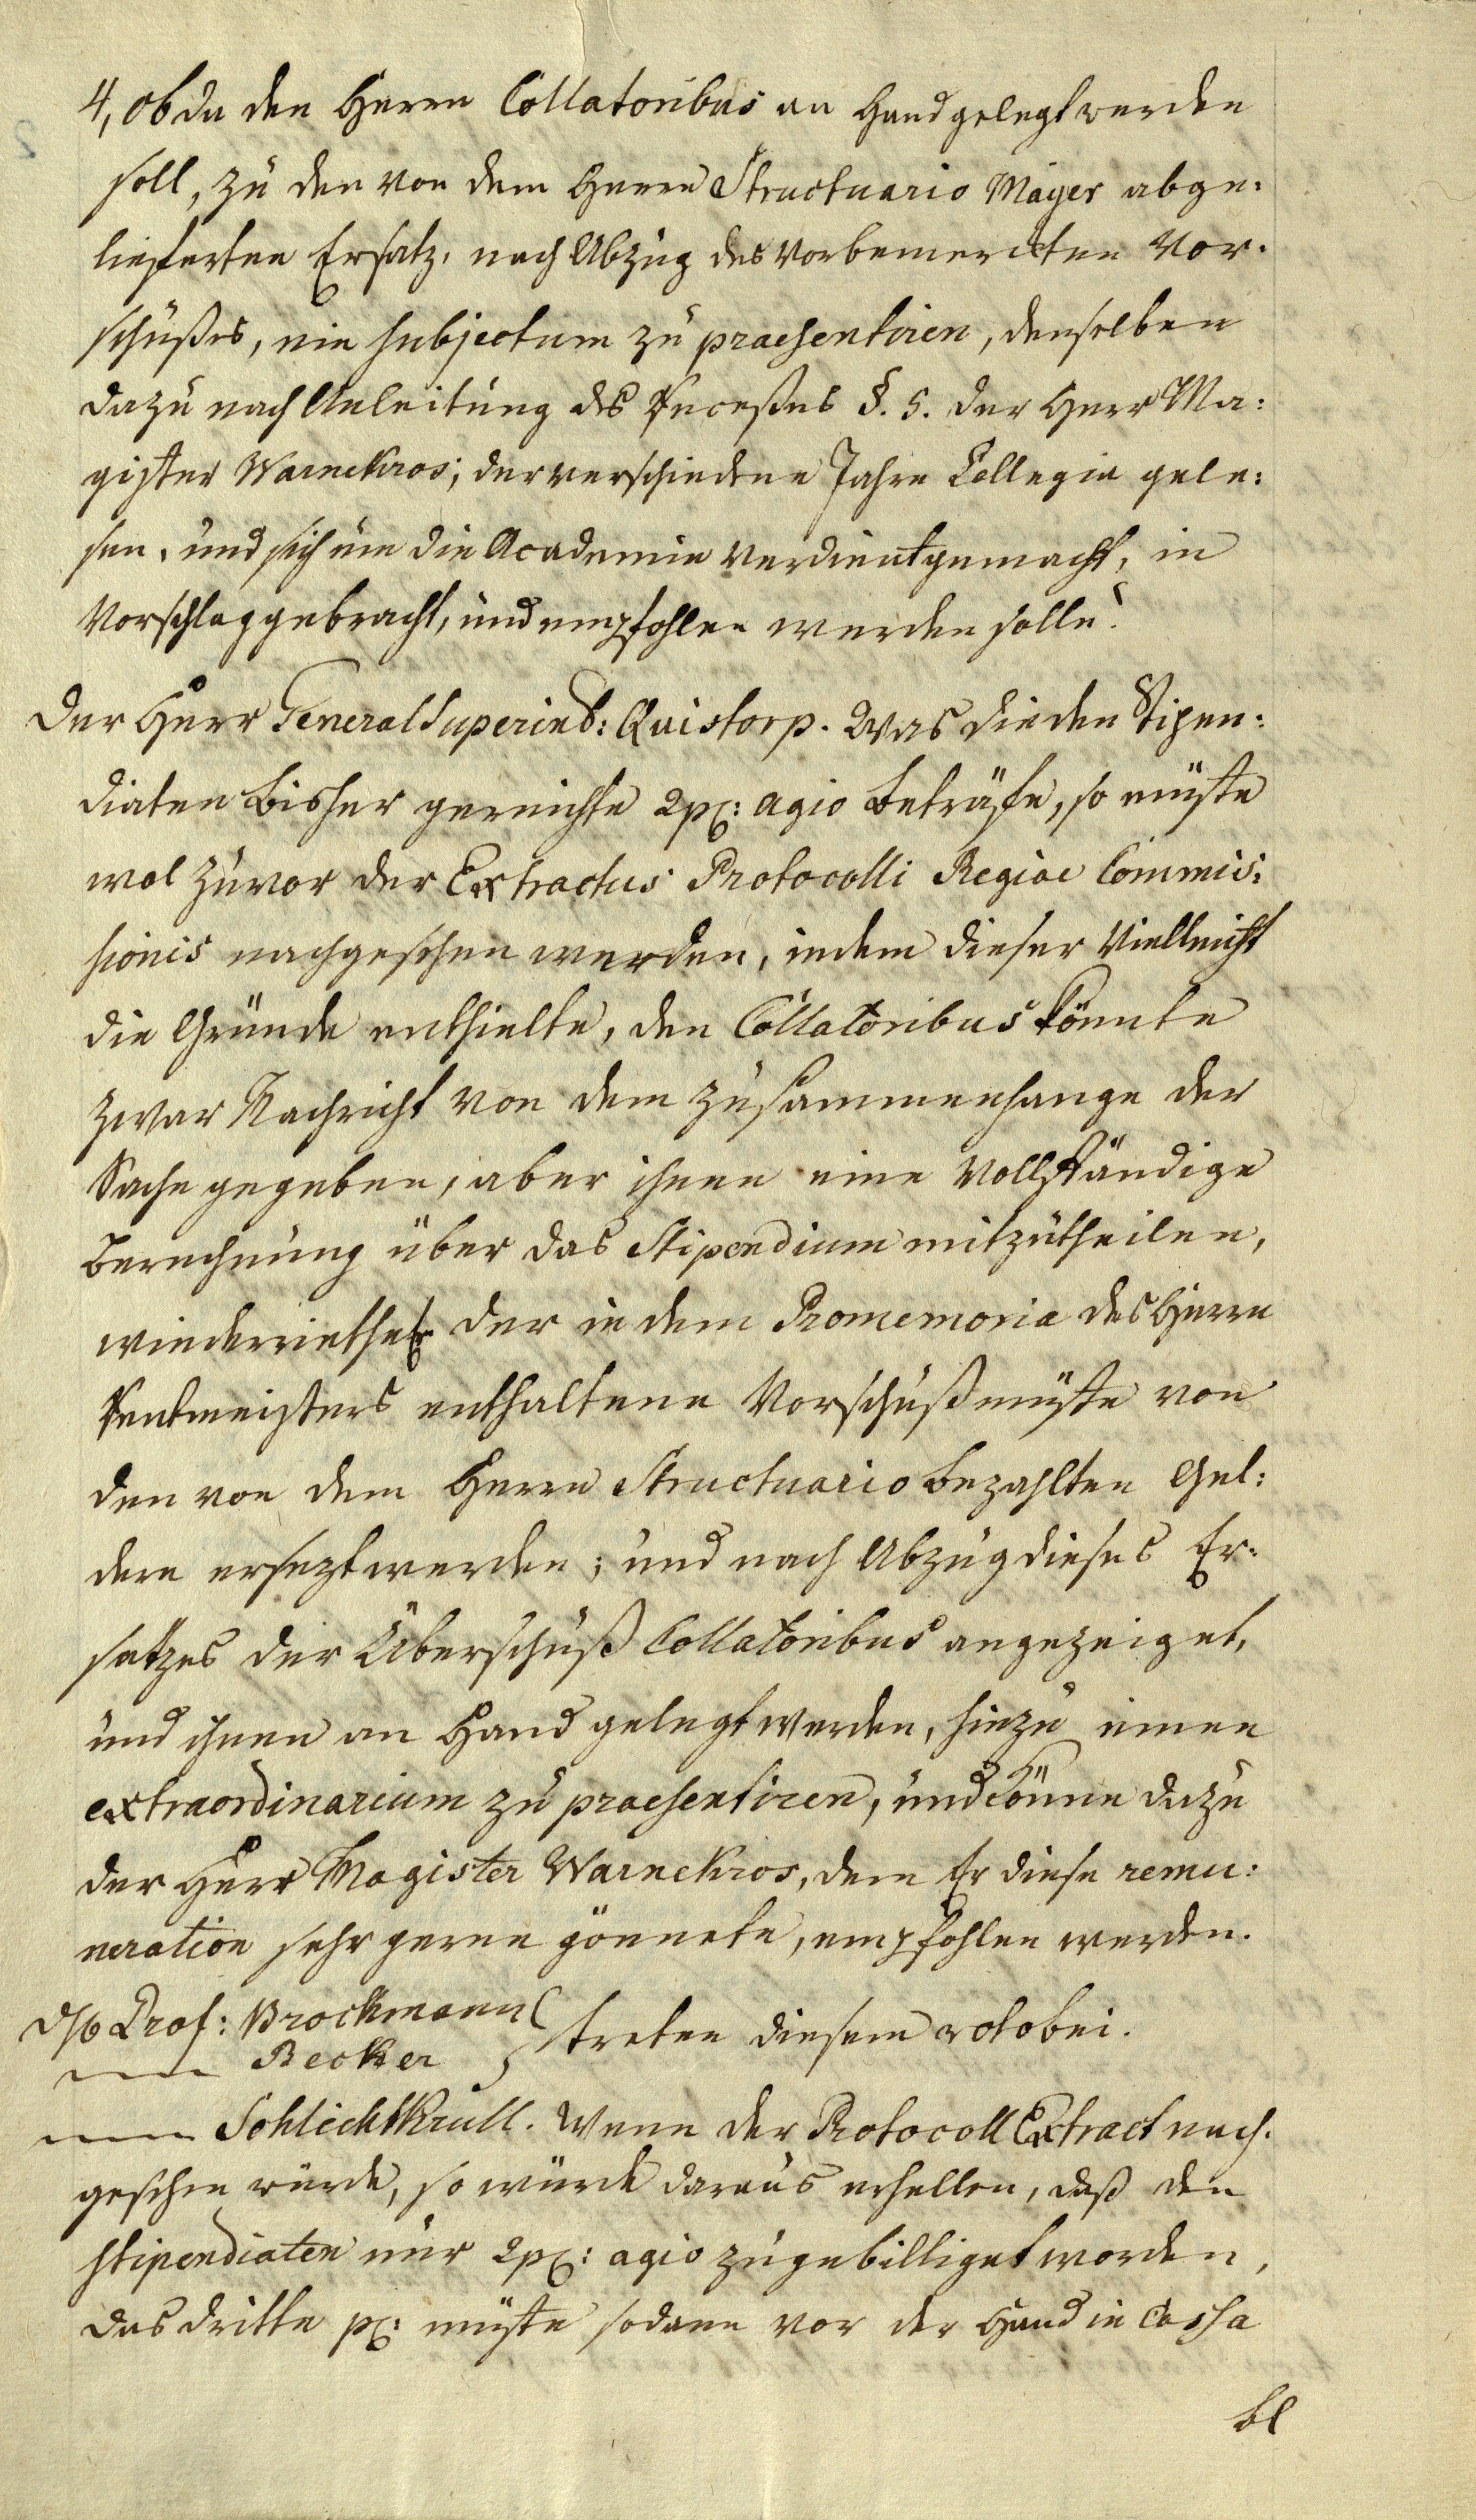4, ob da den Herrn Collatoribus an Hnad gelegt werden
soll, zu den von dem Herrn Structuario Maÿer abge¬
lieferten Ersatz, nach Abzug des vorbemerckten Vor¬
schußes, ein subjectum zu praesentiren, denselben
dazu nach Anleitung des Receßes §. 5. der Herr Ma¬
gister Warnekros; der verschiedene Jahre Collegia gele¬
sen, und sich um die Academie verdientgemacht, in
Vorschlag gebracht, und empfohlen werden solle!
Der Herr GeneralSuperint. Quistorp. Was die den Stipen¬
diaten bisher gereichte 2 p. agio beträfe, so müste
wol zuvor der Extractus Protocolli Regiae Commis¬
sionis nachgesehen werden, indem dieser vielleicht
die Gründe enthielte, den Collatoribus könnte
zwar Nachricht von dem Zusammenhange der
Sachegegeben, aber ihnen eine vollständige
Berechnung über das Stipendium mitzutheilen,
wiederriethe Er der in dem Promemoria des Herrn
Rentmeisters enthaltene Vorschuß müßte von
den von dem Herrn Structuario bezahlten Gel¬
dern ersezt werden; und nach Abzug dieses Er¬
satzes derÜberschuß Collatoribus angezeiget,
und ihnen an Hand gelegt werden, hiezu einen
extraordinarium zu praesentiren, und könne dazu
der Herr Magister Warnekros, dem Er diese remu¬
neration sehr gerne gönnete, empfohlen werden.
dh Prof. Brockmann treten diesem voto bei
Becker
Schlichtkrull. Wenn der Protocoll Exract nach¬
gesehen würde, so würde daraus erhellen, daß dem
stipendiaten nur 2 p. zugebilliget worden.
das dritte p. müßte sodann vor der Hand in Cassa
bl